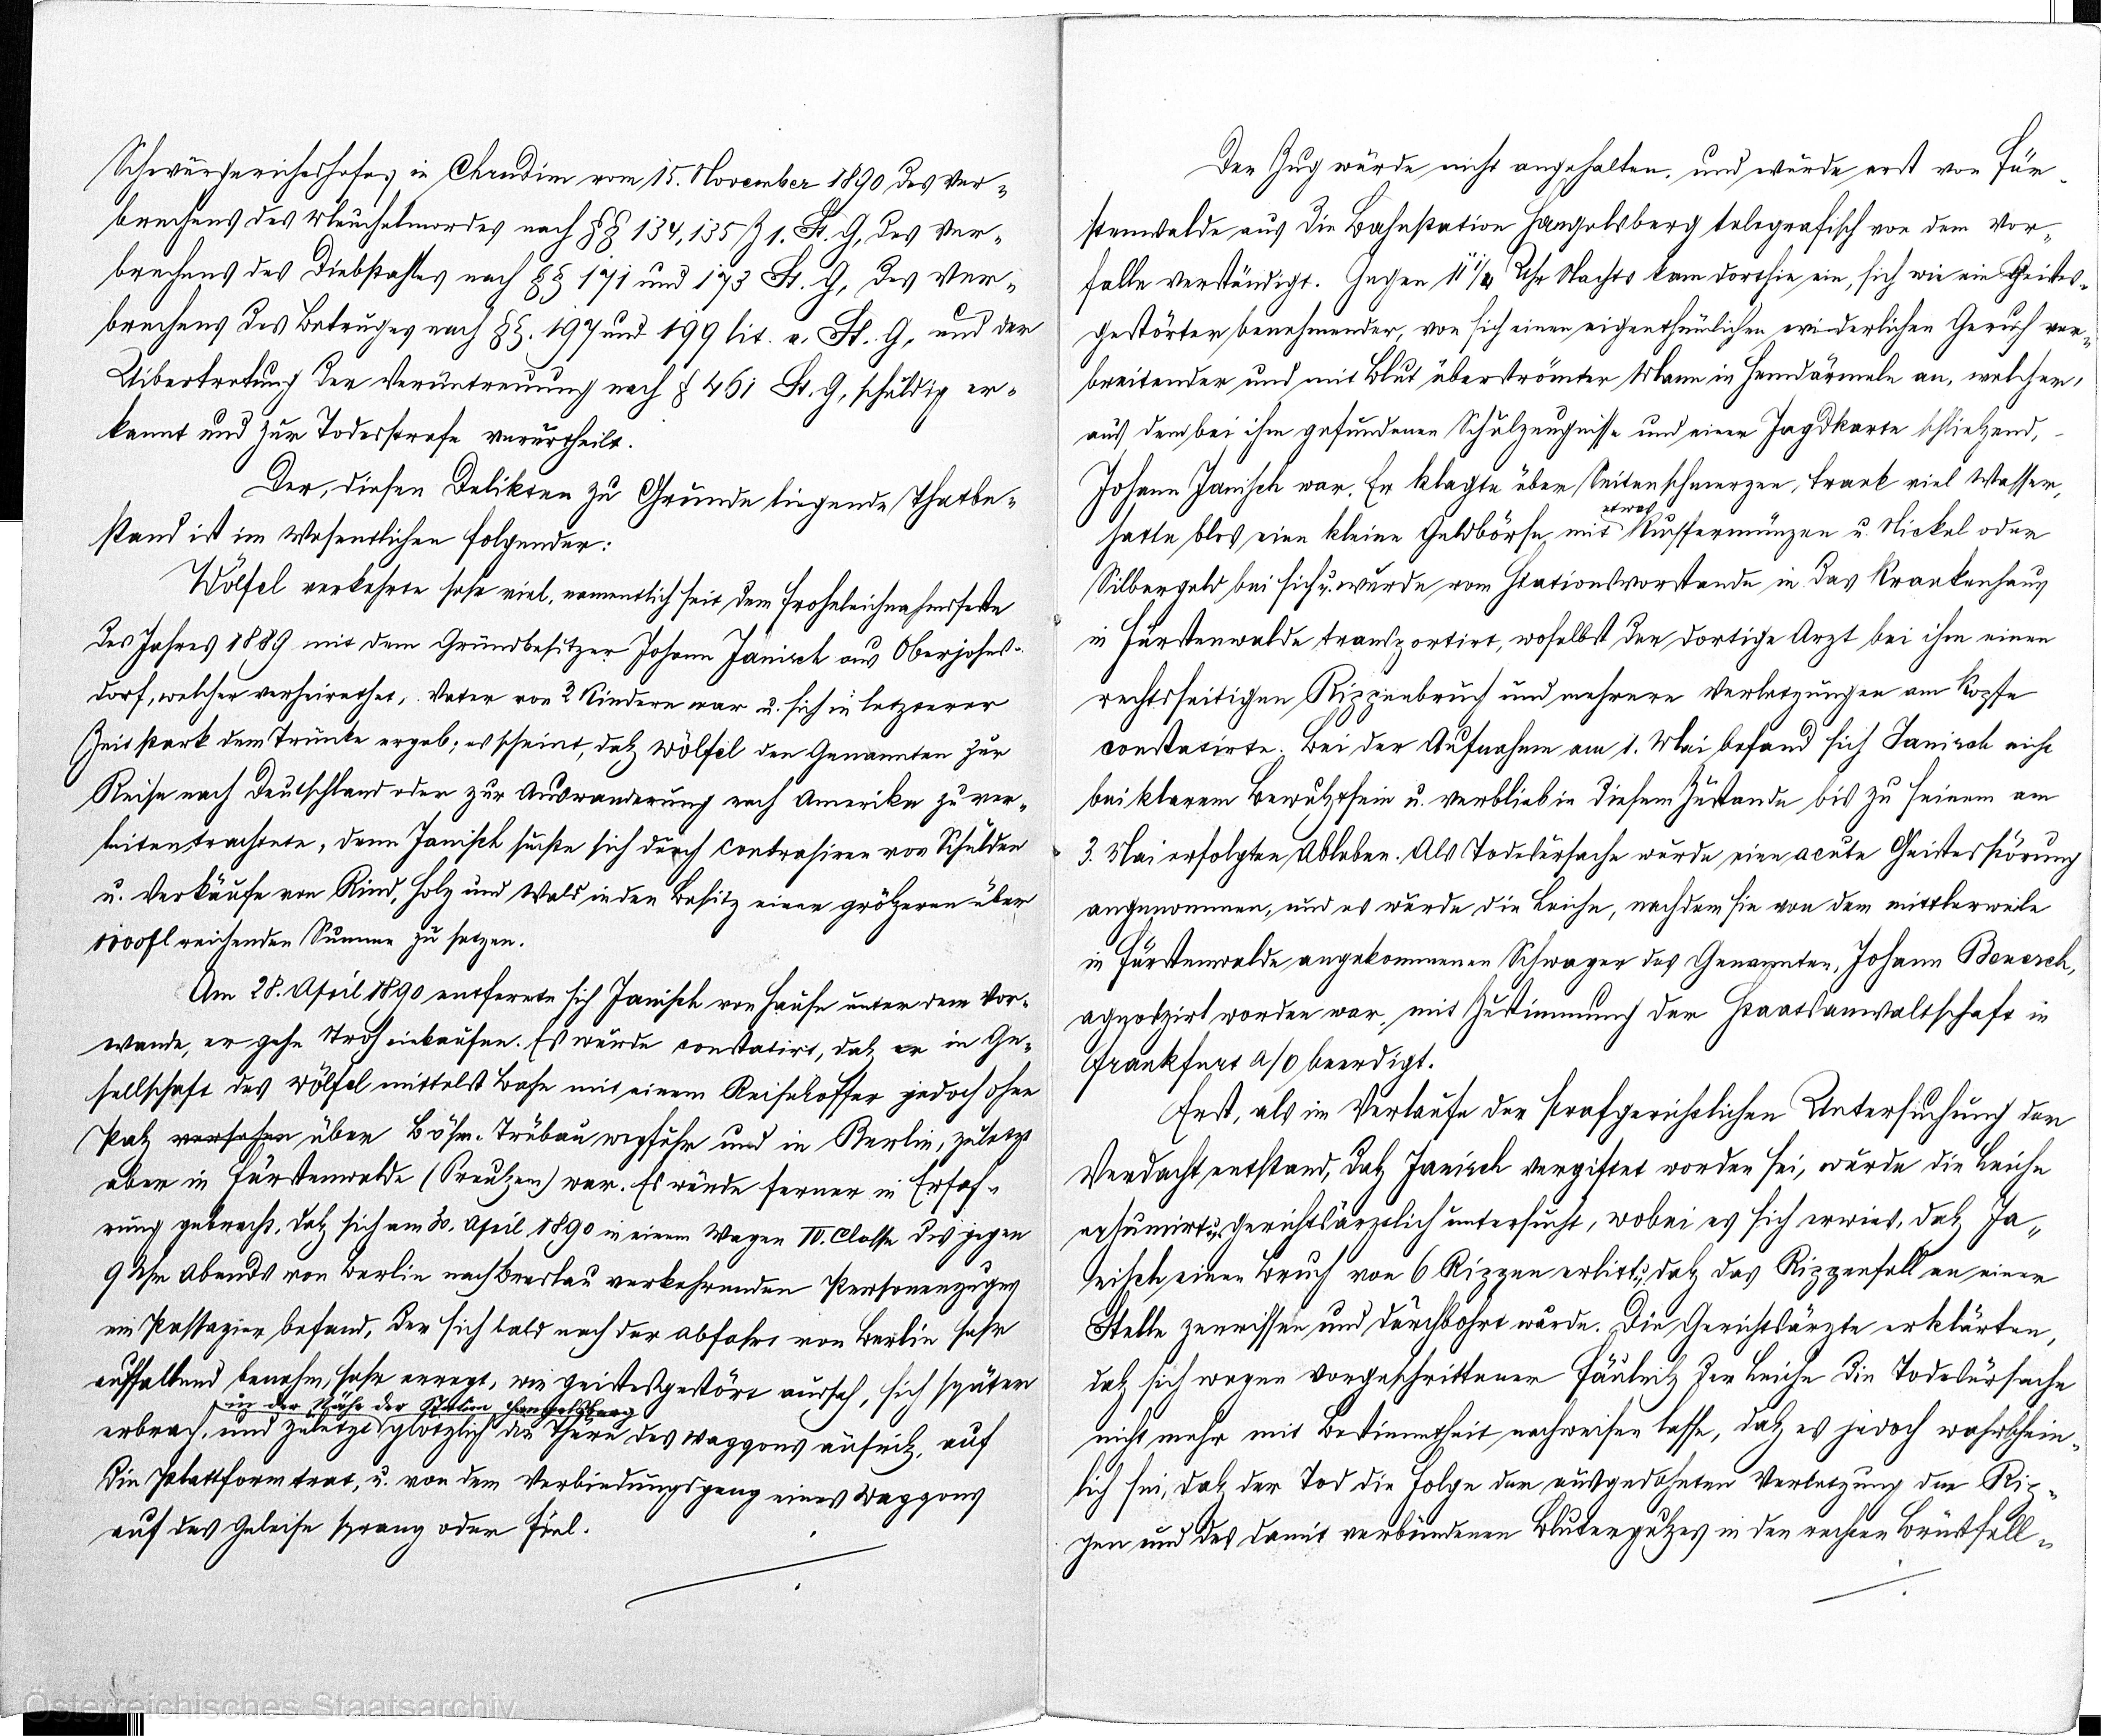Schwurgerichtshofes in Chredim vom 15. November 1890 des Ver¬
brechens des Meuchelmordes nach §§ 134, 135 Z 1 St G des Ver¬
brechens des Diebstahles nach §§ 171 und 173 St. G. des Ver¬
brechens des Betruges nach §§ 197 und 199 lit a St. G. und der
Uibertretung der Veruntreuung nach §451 St G schuldig er¬
kannt und zur Todesstrafe verurtheilt.
Der, diesen Delikten zu Grunde liegende Thatbe¬
stand ist im wesentlichen folgender:
Wölfel verkehrte sehr viel, namentlich seit dem Frohnleichnahmsfeste
des Jahres 1889 mit dem Gründbesitzer Johann Janisch aus Oberjohns¬
dorf, welcher verheirathet, Vater von 3 Kindern war u sich in letzterer
Zeit stark dem Trünke ergab; es scheint, daß Wölfel den Genannten zur
Reise nach Deutschland oder zur Auswanderung nach Amerika zu ver¬
leiten trachtete, denn Janisch suchte sich durch Contrahiren von Schulden
u. Verkäufe von Rind, Holz und Wald in den Besitz einer größeren über
1000fl reichenden Summe zu setzen.
Am 28. April 1890 entfernte sich Janisch von Hause unter dem Vor¬
wande er gehe Stroh einkaufen. Es wurde constatirt, das er in Ge¬
sellschaft des Wölfel mittelst Bahn mit einem Reisekoffer jedoch ohne
Paß über Böhm. Trübau wegfuhr und in Berlin, zuletzt
aber in Fürtenwald (Preußen) war. Es würde ferner in Erfah¬
rung gebracht, daß sich am 30. April 1890 in einem Wagen IV Classe des gegen
9 Uhr Abends von Berlin nach Breslau verkehrenden Personenzuges
ein Passagier befand, der sich bald nach der Abfahrt von Berlin sehr
auffallend benahm, sehr erregt, wie geistesgestört aussah, sich spatter
in der Nähe der Station Hangelsberg
erbrach, und zuletzt plötzlich die Thüre des Waggons aufriß, auf
die Plattform trat, u. von dem Verbindungsgang eines Waggons
auf das Geleise sprang oder fiel.
Der Zug würde nicht angehalten und würde erst von Für¬
stenwalde aus die Bahnstation Hangelsberg telegrafisch von dem Vor¬
falle verständigt. Gegen 11 ½ Uhr Nachts kam dorthin ein, sich wie ein Geistes¬
gestörter benehmender, von sich einen eigenthümlichen wiederlichen Geruch ver¬
breitender und mit Blut überströmter Mann in Hemdärmeln an, welcher
aus dem bei ihm gefundene Schülzeugnisse und einer Jagdkarte schließend,
Johann Janisch war. Er klagte über Seitenschmerzen, trank viel Wasser,
etwas
hatte blos eine kleine Geldbörse mit Kupfermünzen u Nickel oder
Silbergeld bei sich u wurde vom Stationsvorstande in Bad Krankenhaus
in Fürstenwalde transportirt, woselbst der dortige Arzt bei ihm einen
rechtsseitigen Rippenbruch und mehrere Verletzungen am Kopfe
constatirte. Bei der Aufnahme am 1. Mai befand sich Janisch nicht
bei klarem Bewüßtsein u verblieb in diesem Zustande bis zu seinem am
3. Mai erfolgten Ableben. Als Todesursache wurde eine acute Geistesstörung
angenommen, und es wurde die Leiche, nachdem sie von dem mittlerweile
in Fürstenwalde angekommenen Schwager des Genannten, Johann Bonesch,
agnoszirt worden war mit Zustimmung der Staatsanwaltschaft in
Frankfurt a/O beerdigt.
Erst, als im Verlaufe der strafgerichtlichen Untersuchung der
Verdacht entstand, daß Janisch vergiftet worden sei, wurde die Leiche
exhumirt u gerichtsärztlich untersucht, wobei es sich erwies, daß Ja¬
nisch einen Bruch von 6 Rippen erlitt, daß das Rippenfell an einer
Statte zerrissen und durchbohrt wurde. Die Gerichtsärzte erklärten,
daß sich wegen vorgeschnittener Fäulniß der Leiche die Todesursache
nicht mehr mit Bestimmtheit nachweisen lasse, daß es jedoch wahrschein¬
lich sei, daß der Tod die Folge der ausgedehnten Verletzung der Rip¬
pen und das damit verbündenen Blutergußes in den rechen Brüstfell¬